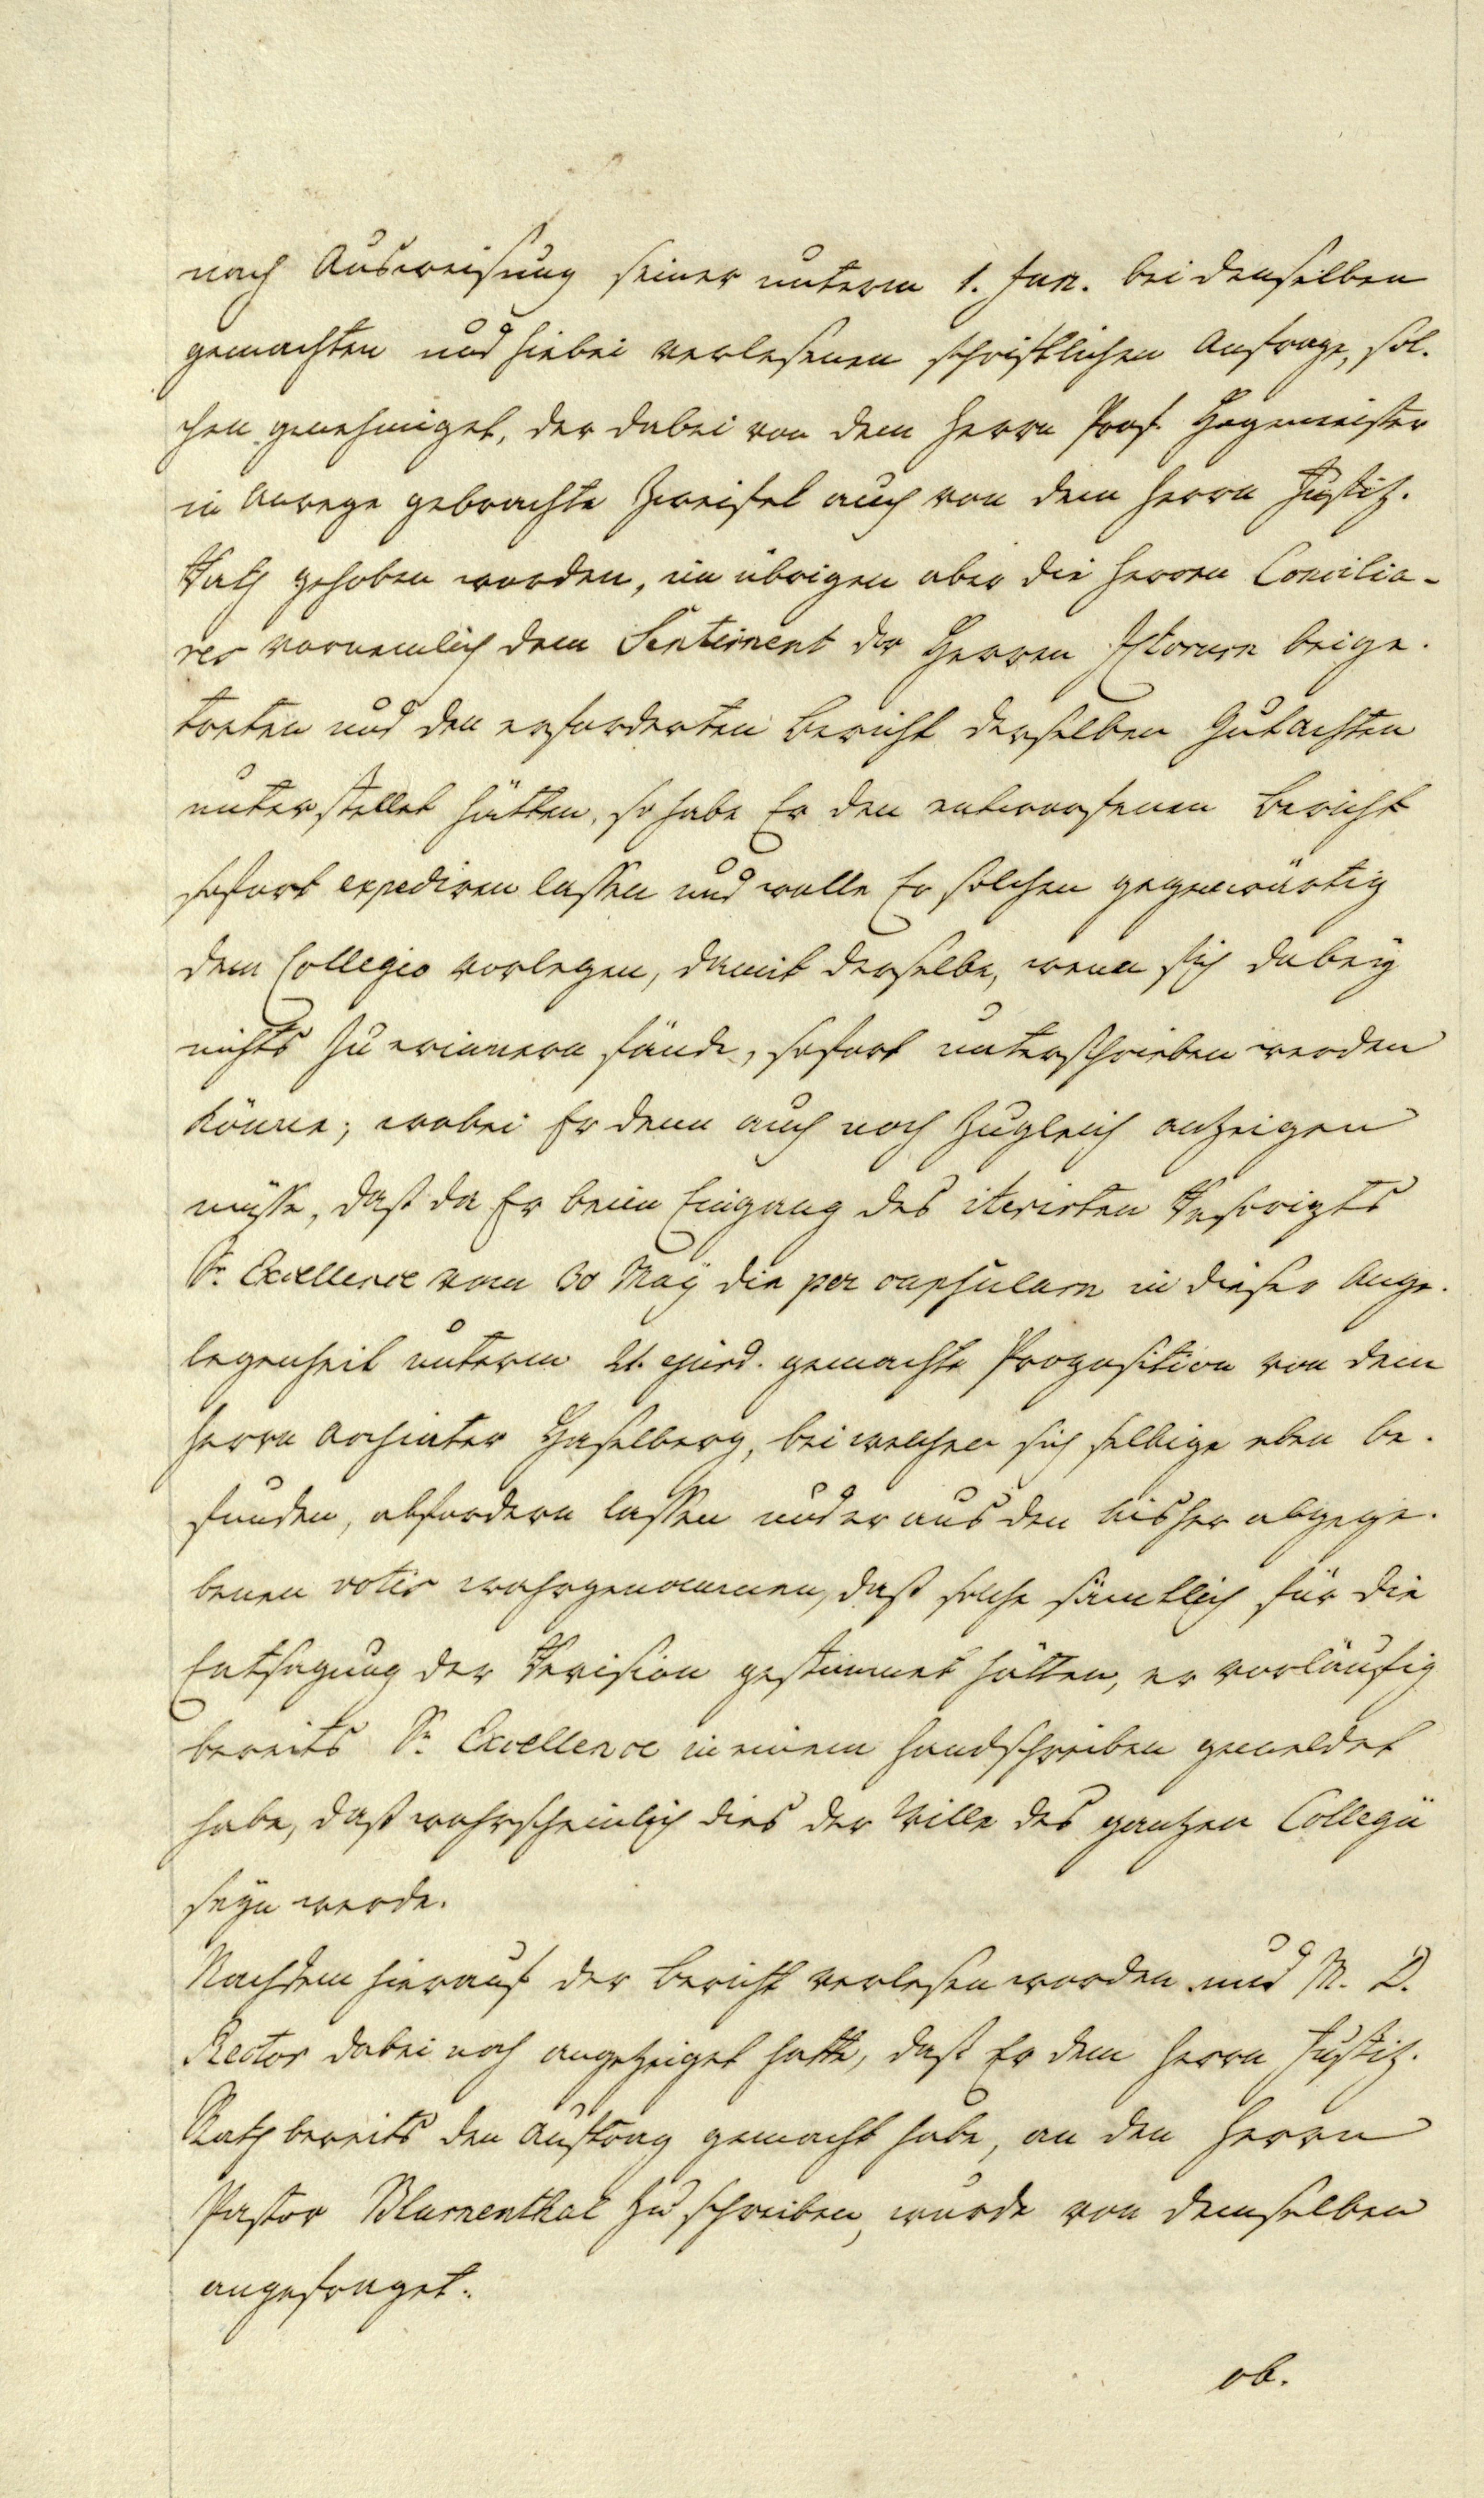nach Ausweisung seiner unterm 1. Jun. bei denselben
gemachten und hiebei verlesenen schriftlichen Anfrage sol¬
chen genehmiget, der dabei von dem herrn Prof. Hagemeister
in Anrege gebrachte Zweifel auch von dem herrn Justiz¬
Rath gehoben worden, im übrigen aber die herren Concilia¬
res vornemlich dem Sentiment der Herren Iltorum beige¬
treten und den erforderten Bericht derselben Gutachten
unterstellet hätten, so habe Er den entworfenen Bericht
sofort expediren lassen und wolle Er solchen gegenwärtig
dem Collegoi vorlegen, damit derselbe, wenn sich dabeÿ
nichts zu erinnern fände, sofort unterschrieben werden
könne; wobei Er denn auch noch zugleich anzeigen
müsse, daß da Er beim Eingang des iterirten Rescripts
Sr. Excellence vom 30 Maÿ die per capsulam in dieser Ange¬
legenheit unterm 21. ejusd. gemachte Proposition von dem
herrn Archiater Haselberg, bei welchen sich selbige eben be¬
funden, abfordern lassen und er aus den bisher abgege¬
benen votis wahrgenommen, daß solche sämtlich für die
Entsagung der Revision gestimmet hätten, er vorläufig
bereits Sr. Excellence in einem Handschreiben gemeldet
habe, daß wahrscheinlich dies der Wille des ganzen Collegii
seÿn werde.
Nachdem hierauf der Bericht verlesen worden und M. D.
Rector dabei noch angezeiget hatte, daß Er dem herrn Justiz¬
Rath bereits den Auftrag gemacht habe, an den herrn
Pastor Blumenthal zu schreiben, wurde von demselben
angefraget:
ob